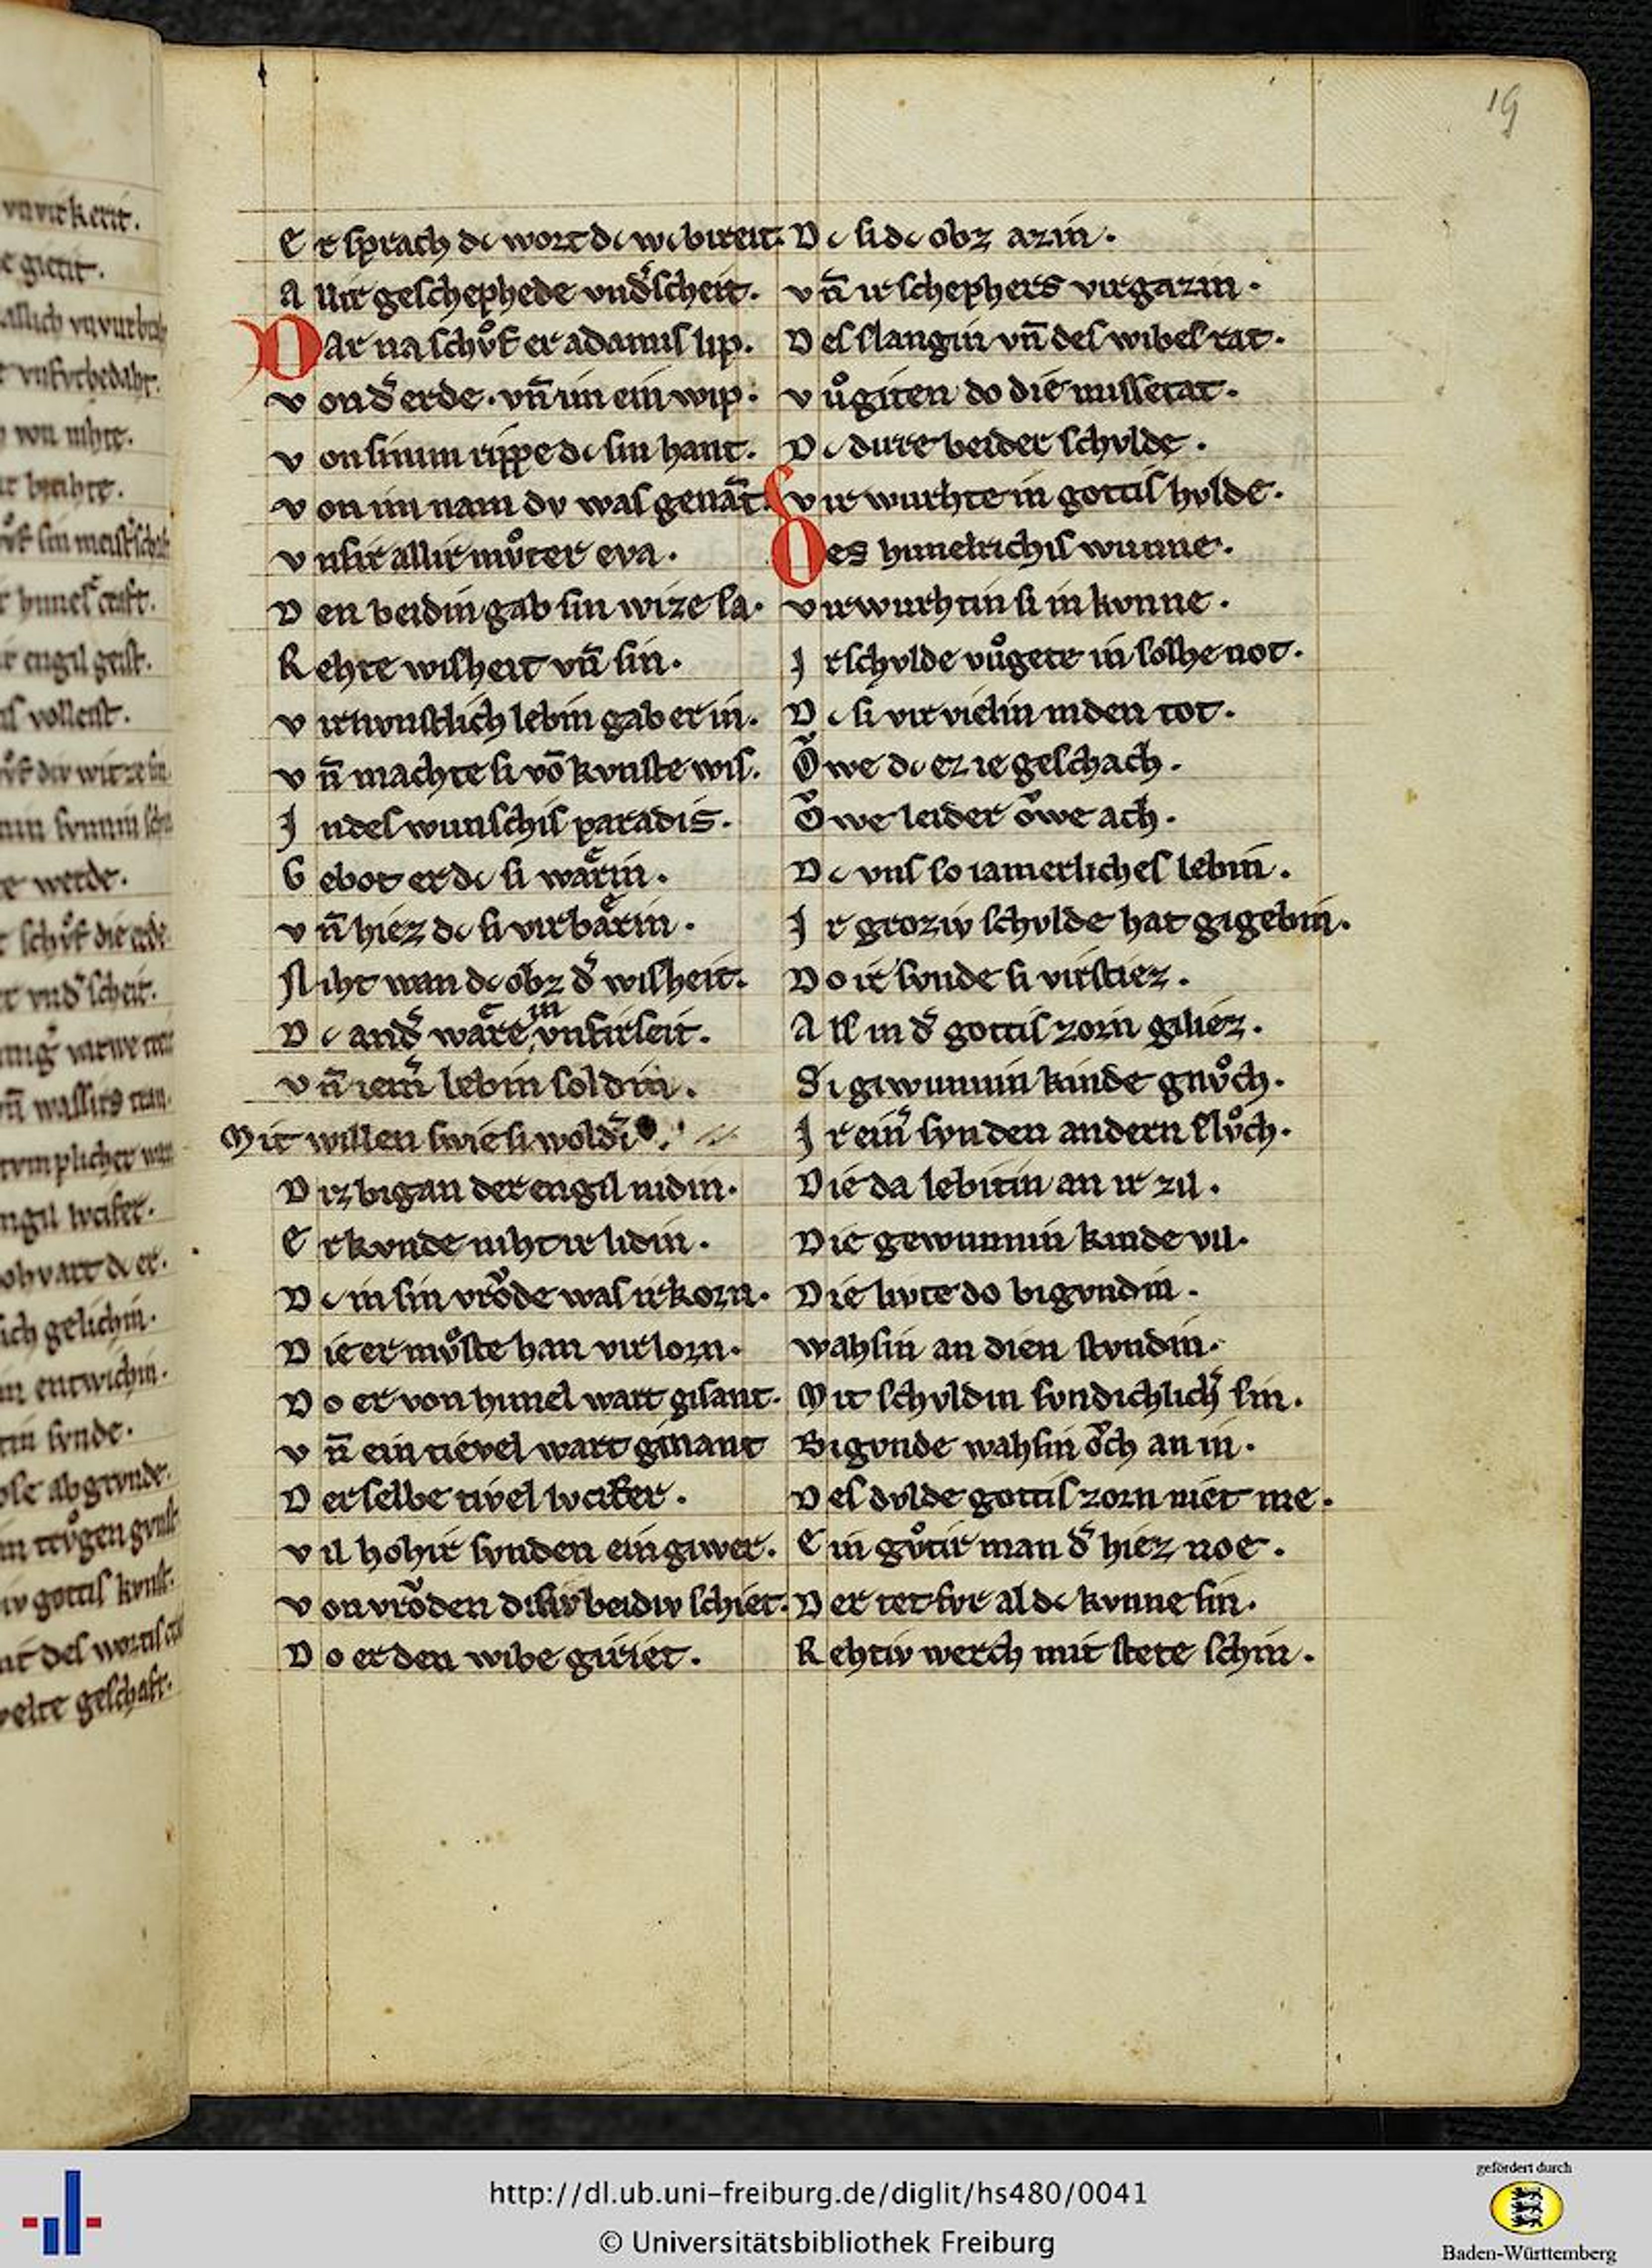Er ſprach d(az) wort d(az) w(az) bireit.
Allir geſchephede vnd(er)ſcheit.
*Dar na ſchv°of er adamiſ lip.
Von d(er) erde. vn(d) im ein wip.
Von ſinim rippe d(az) ſin hant.
Von im nam dv waſ gena(n)t.
Vnſir allir mv°oter eva.
Den beidin gab ſin wize ſa.
Rehte wiſheit vn(d) ſin.
Virnvnſtlich lebin gab er in.
Vn(d) machte ſi vo(n) kvnſte wiſ.
Indeſ wunſchiſ paradis.
Gebot er d(az) ſi wa°erin.
Vn(d) hiez d(az) ſi virba°erin.
Niht wan d(az) obz d(er) wiſheit.
D(az) and(er) wa°re °(in) vnfirſeit.
Vn(d) iem(er) lebin ſoldin.
Mit willen ſwie ſi woldi(n).
Diz bigan der engil nidin.
Er kvnde niht ir lidin.
D(az) in ſin vro°vde waſ irkorn.
Die er mv°oſte han virlorn.
Do er von himel wart giſant.
Vn(d) ein tievel wart ginant
Derſelbe tivel lvcifer.
Vil hohir ſvnden ein giwer.
Von vro°vden diſiv beidiv ſchiet.
Do er den wibe geriet.
D(az) ſi d(az) obz azin.
Vn(d) ir ſchephers virgazin.
Deſ ſlangin vn(d) deſ wibeſ rat.
Vu°ogiten do die miſſetat.
D(az) dirre beider ſchvlde.
Vir wurhte in gottiſ hvlde.
*Des himelrichiſ wunne.
Virwurhtin ſin in kvnne.
Irſchvlde vu°ogete in ſolhe not.
D(az) ſi vir vielin inden tot.
O°vwe d(az) ez ie geſchach.
O°vwe leider o°vwe ach.
D(az) vnſ ſo iamerlicheſ lebin.
Ir groziv ſchvlde hat gigebin.
Do ir ſvnde ſi virſtiez.
Alſ in d(er) gottiſ zorn giliez.
Si giwunnin kinde gnv°och.
Ir ein(er) ſvn den andern ſlv°och.
Die da lebitin an ir zil.
Die gewunnin kinde vil.
Die livte do bigvndin.
Wahſin an dien ſtvndin.
Mit ſchvldin ſvndichlich(er) ſin.
Bigvnde wahſin o°vch an in.
Deſ dvlde gottiſ zorn niet me.
Ein gv°otir man d(er) hiez noe.
Der tet fvr al d(az) kvnne ſin.
Rehtiv werch mit ſtete ſchin.